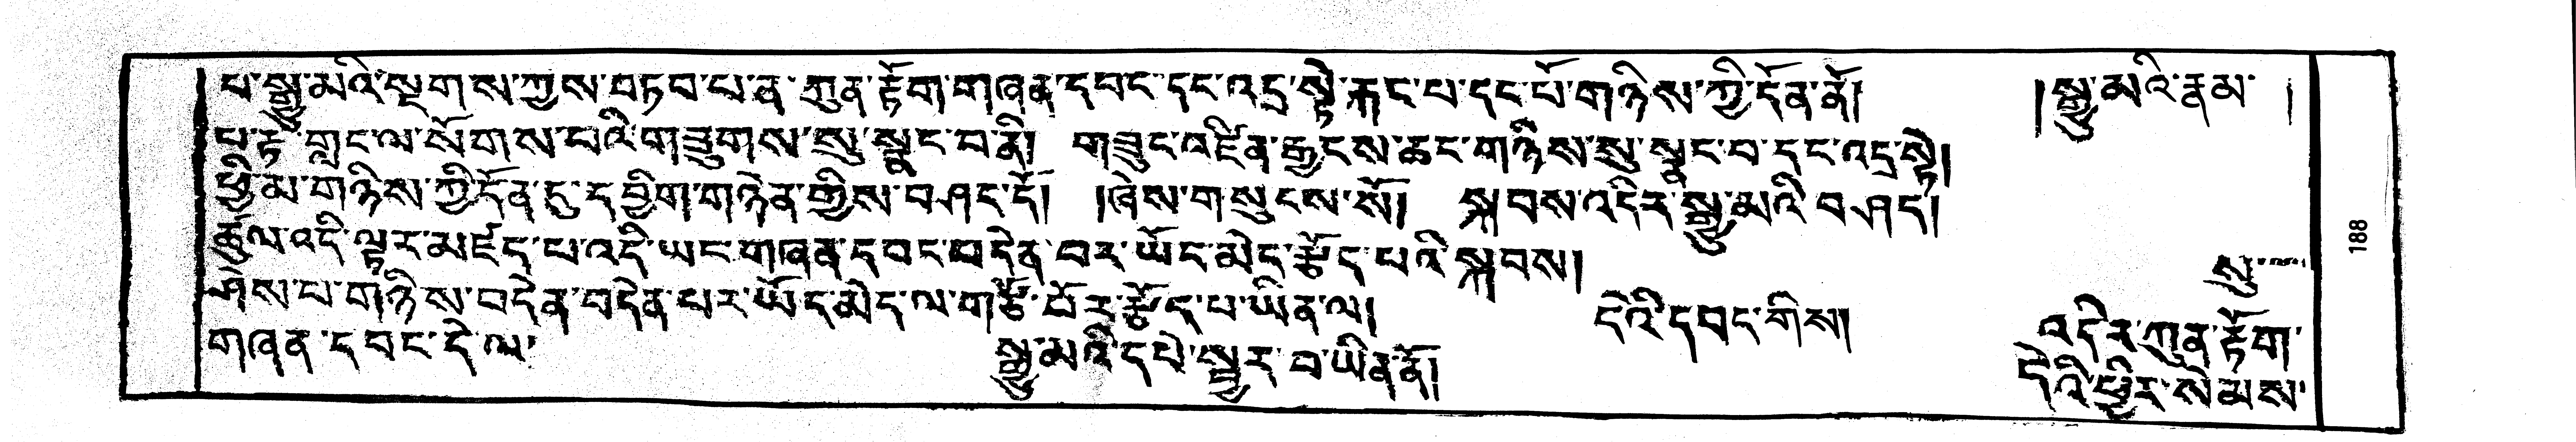པ་སྒྱུ་མའི་སྔགས་ཀྱས་བཏབ་པ་ན་ཀུན་རྟོག་གཞན་དབང་དང་འདྲ་སྟེ་རྐང་པ་དང་པོ་གཉིས་ཀྱི་དོན་ནོ། །སྒྱུ་མའི་རྣམ།
པ་རྟ་གླང་ལ་སོགས་པའི་གཟུགས་སུ་སྣང་བ་ནི། གཟུང་འཛིན་རྒྱངས་ཆང་གཉིས་སུ་སྣང་བ་དང་འདྲ་སྟེ།
ཕྱི་མ་གཉིས་ཀྱི་དོན་དུ་དབྱིག་གཉེན་གྱིས་བཤད་དོ། །ཞེས་གསུངས་སོ། སྐབས་འདིར་སྒྱུ་མའི་བཤད།
ཚུལ་འདི་ལྟར་མཛད་པ་འདི་ཡང་གཞན་དབང་བདེན་པར་ཡོང་མེད་རྩོད་པའི་སྐབས། སུ་
ཤེས་པ་གཉིས་བདེན་བདེན་པར་ཡོད་མེད་ལ་གཙོ་བོར་རྩོད་པ་ཡིན་ལ། དེའི་དབང་གིས། འདིར་ཀུན་རྟོག་
གཞན་དབང་དེ་ལ་སྒྱུ་མའི་དཔེ་སྦྱར་བ་ཡིན་ནོ། དེའི་ཕྱིར་སེམས་